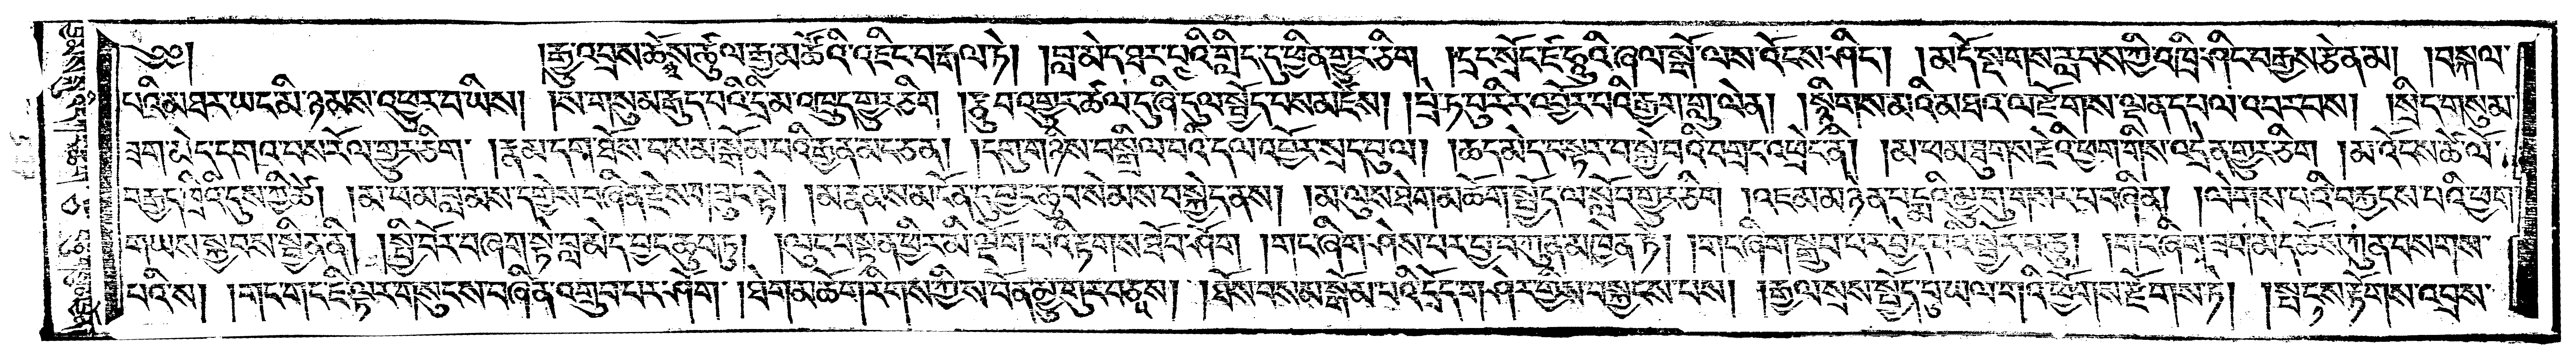༄༅། །རྒྱུ་འབྲས་ཆོས་ཚུལ་རྒྱ་མཚོའི་འཇིང་བརྒལ་ཏེ། །བླ་མེད་ཐར་བྱའི་གླིང་དུ་ཕྱིན་གྱུར་ཅིག །དྲང་སྲོང་ཛ་ཧཱུའི་ཞལ་སྒོ་ལས་འོངས་ཤིང་། །མདོ་སྔགས་རླབས་ཀྱི་འཁྲི་ཤིང་བརྒྱས་རྩེན་མ། །བསྐལ་
པའི་མཐར་ཡང་མི་ཉམས་འཕྱུར་བ་ཡིས། །ས་གསུམ་རྒྱུད་པའི་དྲི་མ་འཁྲུད་གྱུར་ཅིག །རྩུབ་འགྱུར་ཚལ་དུ་ཞི་དུལ་སྤྱོད་པས་མཛེས། ཕྲེ་ཏ་བུ་རིར་འབྱོར་བའི་རྒྱག་གླུ་ལེན། །སྙིགས་མའི་མཐའ་ལ་རྫོགས་ལྡན་དཔལ་འབར་བས། །སྲིད་གསུམ་
ཟག་མེད་དགའ་བས་རོལ་གྱུར་ཅིག །རྣམ་དག་ཐོས་བསམ་སྒོམ་པའི་རྒྱན་མང་ཅན། །དགུ་གཉིས་བསྒྲིལ་བའི་དལ་འབྱོར་སྲད་བུ་ལ། །ཆད་མེད་བསྟར་བསྐྱེ་བའི་བགྲང་འཕྲེང་ནི། །མ་ཕམ་ཐུགས་རྗེའི་ཕྱག་གིས་འདྲེན་གྱུར་ཅིག །མ་འོངས་ཚེ་ལ་
བརྒྱད་ཁྲིའི་དུས་ཀྱི་ཚེ། །མ་ཕམ་བླ་མས་དབྒྱེས་བཞིན་རྗེས་གཟུང་སྟེ། །མ་རྣམས་མངོན་དུ་བྱང་ཆུབ་སེམས་བསྐྱེད་ནས། །མ་ལུས་ཐེག་མཆོག་སྦྱོད་ལ་སློབ་གྱུར་ཅིག །འཇམ་མཉེན་པདམའི་མྱུ་གུ་གསར་པར་བཞིན། །ཕེགས་པའི་བརྐྱངས་པའི་ཕྱག་
གཡས་སྐྱབས་སྦྱིན་ནི། །སྤྱི་བོར་བཞག་སྟེ་བླ་མེད་བྱང་ཆུབ་ཏུ། །ལུང་བསྟན་ཕྱིར་མི་ལྡོག་པའི་རྟག་ཐོབ་ཤོག །གང་ཞིག་ཤེས་པར་བྱ་བ་ཀུན་མཁྱེན་ཏེ། །གང་ཞིག་སྒྲུབ་པར་བྱེད་པའི་སྦྱོར་བ་ཆུ། །གང་ཞིག་ཟག་མེད་ཆོས་ཀུན་བསགས་
པའི་ས། །གང་གང་ཇི་ལྟར་གསུངས་བཞིན་འགྲུབ་པར་ཤོག །ཐེག་མཆོག་རིགས་ཀྱིས་བོན་མྱུ་གུར་བཅས། །ཐོས་བསམ་སྒོམ་པའི་དྲོད་གཤེར་གྱིས་བསྐྱངས་པས། །རྒྱལ་སྲས་སྦྱོད་པུ་ཡལ་གའི་ཕྱོགས་རྫོགས་ཏེ། །སྤངས་རྟོགས་འབྲས་